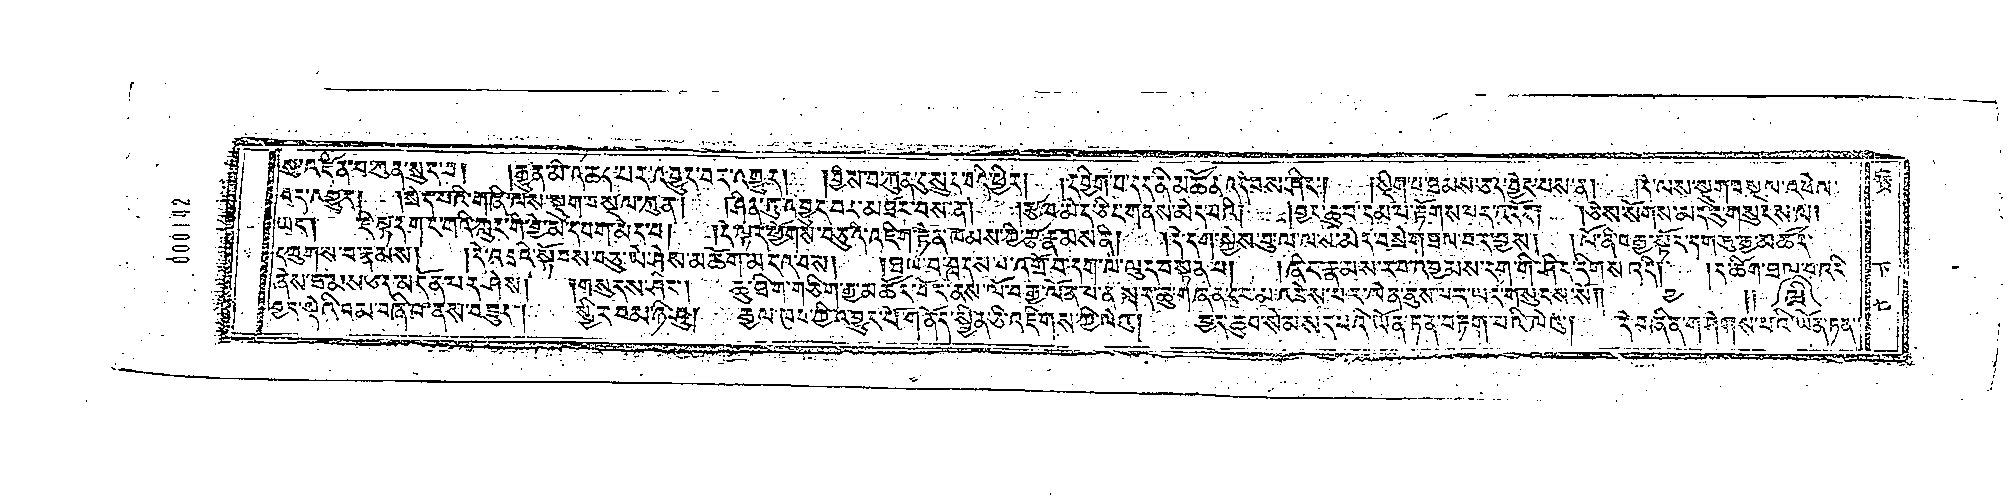སུ་འཛིན་པ་ཀུན་སྲུང་བ། །རྒྱུན་མི་འཆད་པར་འབྱུང་བར་འགྱུར། །བྱིས་བ་ཀུན་དུ་སྲུང་བའི་ཕྱིར། །དབྱིག་པ་དད་ནི་མཚོན་འདེབས་ཤིང་། །སྡིག་པ་ཐམས་ཅད་བྱེད་པས་ན། །དེ་ལས་སྡུག་བསྔལ་འཕེལ་
བར་འགྱུར། །སྲིད་པའི་གཞི་ལས་སྡུག་བསྔལ་ཀུན། །ཤིན་ཏུ་འབྱུང་བར་མཐོང་བས་ན། །རྩ་བ་མེད་ཅིང་གནས་མེད་པའི། །བྱང་ཆུབ་དམ་པ་རྟོགས་པར་འདོད། །ཅེས་སོགས་མད་དུ་གསུངས་ལ།
ཡང་། ཇི་ལྟར་གང་གའི་ཀླུང་གི་བྱེ་མ་དཔག་མེད་པ། །དེ་ལྟར་ཕྱོགས་བཅུའི་འཇིག་རྟེན་ཁམས་ཀྱི་རྩ་རྣམས་ནི། །དེ་དག་སྐྱེས་བུ་ལ་ལས་མེད་བསྲེག་ཐལ་བར་བྱས། །ལོ་ནི་བརྒྱ་སྟོང་དག་ཏུ་རྒྱ་མཚོར་
དཀྲུགས་བ་རྣམས། །དེ་འདྲའི་སྟོབས་བཅུ་ཡེ་ཤེས་མཆོག་མངའ་བས། །ཐལ་བ་བླངས་པ་འགྲོ་བ་དག་ལ་ལུད་བསྟན་པ། །ཞིང་རྣམས་རབ་འབྱམས་ངག་གི་ཤིང་རིགས་འདི། །ད་ཚིག་ཐལ་བ་འདི་
ཞེས་ཐམས་ཅད་མངོན་པར་ཤེས། །གསུངས་ཤིང་། ཆུ་ཐིག་གཅིག་རྒྱ་མཚོར་བོར་ནས་ལོ་བརྒྱ་ལོན་པ་ན་སླད་ཆུ་གཞན་དང་མ་འདྲེས་པར་ལེན་ནུས་པར་ཡང་གསུངས་སོ།། ༧་།།ཝ྄ི
བྱང་སྡེའི་བམ་བཞི་པ་ནས་བཟུང་། སྤྱིར་བམ་ཉི་ཤུ། རྒྱལ་ཁབ་ཀྱི་འབྱུང་པོ་གནོད་སྦྱིན་ཅི་འཇིགས་ཀྱི་ལེའུ། བྱང་ཆུབ་སེམས་དཔའི་ཡོན་ཏན་བརྟག་པའི་ལེའུ། དེ་བཞིན་གཤེགས་པའི་ཡོན་ཏན་